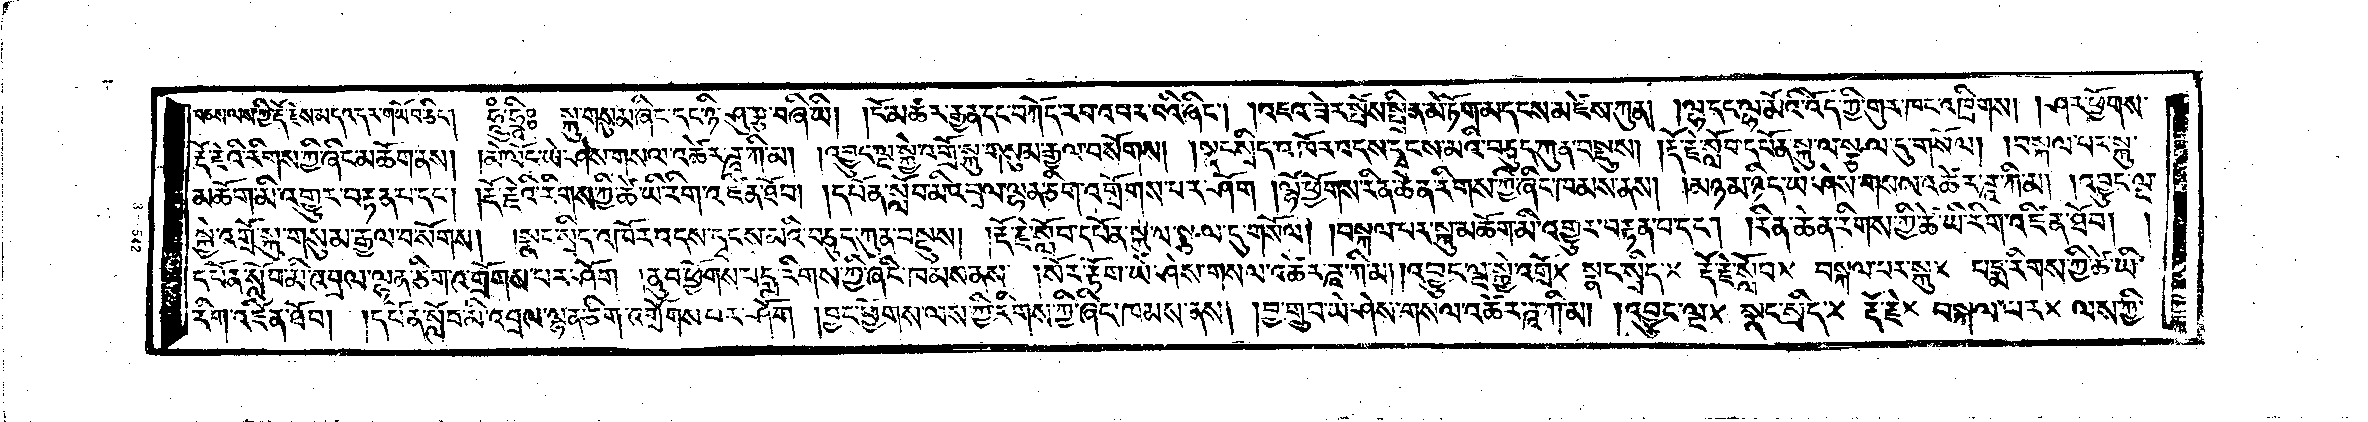བཅས་ལས་ཀྱི་རྡོ་རྗེས་མདའ་དར་གཡོ་བ་ཅིང་། ཧཱུཾ་ཧྲཱིཿ སྐུ་གསུམ་ཞིང་དང་ཉི་ཤུ་རྩ་བཞི་ཡི། །ངོ་མཚར་རྒྱན་དང་བཀོད་རབ་འབར་བའི་ཞིང་། །འཇའ་ཟེར་སྤོས་སྤྲིན་མེ་ཏོག་མདངས་མཛེས་ཀུན། །ལྷ་དང་ལྷ་མོའི་འོད་ཀྱི་གུར་ཁང་འཁྲིགས། །ཤར་ཕྱོགས་
རྡོ་རྗེའི་རིགས་ཀྱི་ཞིང་མཆོག་ནས། །མེ་ལོང་ཡེ་ཤེས་གསལ་འཚེར་ཌཱ་ཀི་མ། །འབྱུང་ལྔ་སྐྱེ་འགྲོ་སྐུ་གསུམ་རྒྱལ་བ་སོགས། །སྣང་སྲིད་འཁོར་འདས་དྭངས་མའི་བཅུད་ཀུན་བསྡུས། །རྡོ་རྗེ་སློབ་དཔོན་སྐུ་ལ་སྩལ་དུ་གསོལ། །བསྐལ་པར་སྐུ་
མཆོག་མི་འགྱུར་བརྟན་པ་དང་། །རྡོ་རྗེའི་རིགས་ཀྱི་ཚེ་ཡི་རིག་འཛིན་ཐོབ། །དཔོན་སློབ་མི་འབྲལ་ལྷན་ཅིག་འགྲོགས་པར་ཤོག །ལྷོ་ཕྱོགས་རིན་ཆེན་རིགས་ཀྱི་ཞིང་ཁམས་ནས། །མཉམ་ཉིད་ཡེ་ཤེས་གསལ་འཚེར་ཌཱ་ཀི་མ། །འབྱུང་ལྔ་
སྐྱེ་འགྲོ་སྐུ་གསུམ་རྒྱལ་བ་སོགས། །སྣང་སྲིད་འཁོར་འདས་དྭངས་མའི་བཅུད་ཀུན་བསྡུས། །རྡོ་རྗེ་སློབ་དཔོན་སྐུ་ལ་སྩལ་དུ་གསོལ། །བསྐལ་པར་སྐུ་མཆོག་མི་འགྱུར་བརྟན་པ་དང་། །རིན་ཆེན་རིགས་ཀྱི་ཚེ་ཡི་རིག་འཛིན་ཐོབ། །
དཔོན་སློབ་མི་འབྲལ་ལྷན་ཅིག་འགྲོགས་པར་ཤོག །ནུབ་ཕྱོགས་པདམ་རིགས་ཀྱི་ཞིང་ཁམས་ནས་།སོར་རྟོག་ཡེ་ཤེས་གསལ་འཚེར་ཌཱ་ཀི་མ། །འབྱུང་ལྔ་སྐྱེ་འགྲོ་྾་སྣང་སྲིད་྾་རྡོ་རྗེ་སློབ་྾་བསྐལ་པར་སྐུ་྾་པདམ་རིགས་ཀྱི་ཚེ་ཡི་
རིག་འཛིན་ཐོབ། །དཔོན་སློབ་མི་འབྲལ་ལྷན་ཅིག་འགྲོགས་པར་ཤོག །བྱང་ཕྱོགས་ལས་ཀྱི་རིགས་ཀྱི་ཞིང་ཁམས་ནས། །བྱ་གྲུབ་ཡེ་ཤེས་གསལ་འཚེར་ཌཱ་ཀི་མ། །འབྱུང་ལྔ་྾་སྣང་སྲིད་྾་རྡོ་རྗེ་྾་བསྐལ་པར་྾་ལས་ཀྱི་